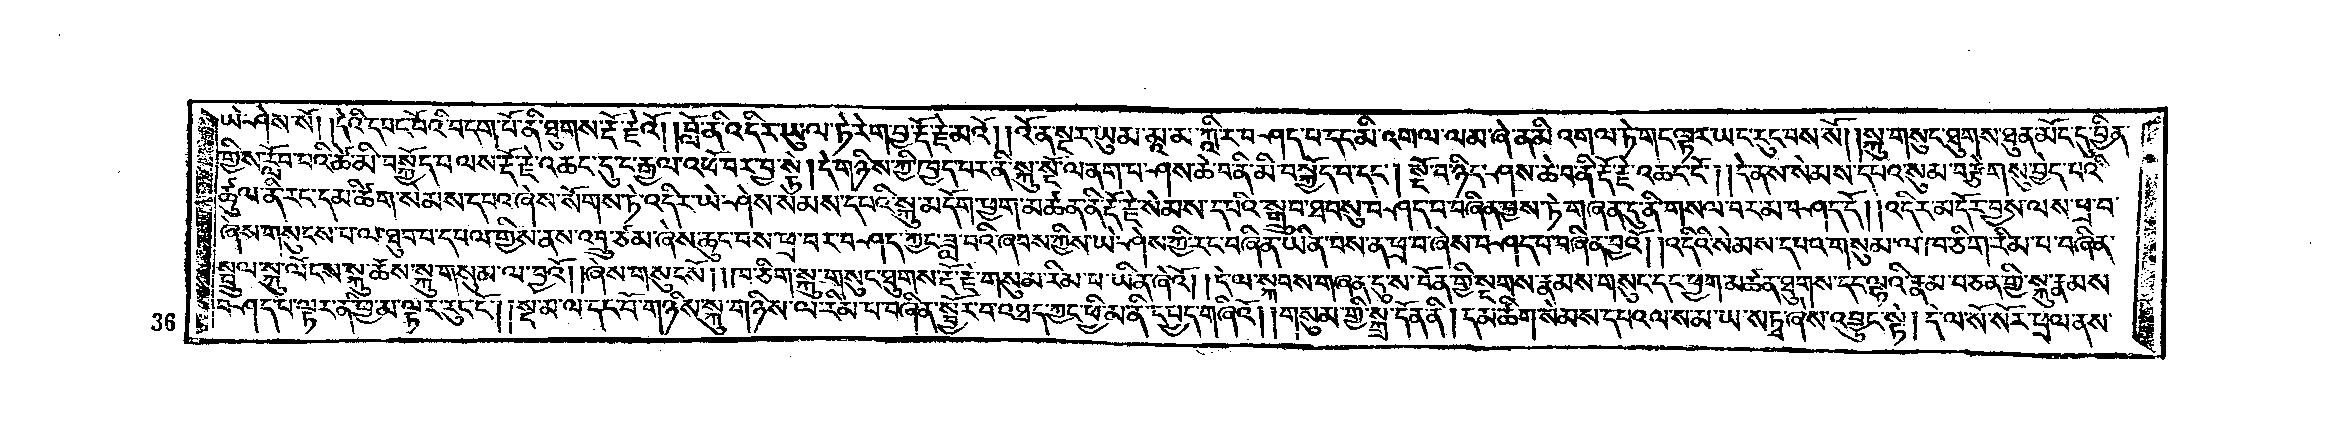ཡེ་ཤེས་སོ། །དེའི་དབང་པོའི་བདག་པོ་ནི་ཐུགས་རྡོ་རྗེའོ། །བློ་ནི་འདིར་ཡུལ་ཏེ་རེག་བྱ་རྡོ་རྗེ་མའོ། །འོ་ན་སྔར་ཡུམ་མཱ་མ་ཀླི་ར་བཤད་པ་དང་མི་འགལ་ལམ་ཞེ་ན་མི་འགལ་ཏེ་གང་ལྟར་ཡང་རུང་བས་སོ། །སྐུ་གསུང་ཐུགས་ཐུན་མོང་དུ་བྱིན་
གྱིས་རློབ་པའི་ཚེ་མི་བསྐྱོད་པ་ལས་རྡོ་རྗེ་འཆང་དུ་ང་རྒྱལ་འཕོ་བར་བྱ་སྟེ། དེ་གཉིས་ཀྱི་ཁྱད་པར་ནི་སྐུ་སྔོ་ལ་ནག་པ་ཤས་ཆེ་བ་ནི་མི་བསྐྱོད་པ་དང་། སྔོ་བ་ཉིད་ཤས་ཆེ་བ་ནི་རྡོ་རྗེ་འཆང་ངོ། །དེ་ནས་སེམས་དཔའ་སུམ་བརྩེགས་སུ་བྱེད་པའི་
ཚུལ་ནི་རང་དམ་ཚིག་སེམས་དཔའ་ཞེས་སོགས་ཏེ་འདིར་ཡེ་ཤེས་སེམས་དཔའི་སྐུ་མདོག་ཕྱག་མཚན་ནི་རྡོ་རྗེ་སེམས་དཔའི་སྒྲུབ་ཐབས་སུ་བཤད་པ་བཞིན་བྱས་ཏེ་གཞན་དུ་ནི་གསལ་བར་མ་བཤད་དོ། །འདིར་མདོར་བྱས་ལས་ཕྲ་བ་
ཞེས་གསུངས་པ་ལ་ཐུབ་པ་དཔལ་གྱིས་ནས་འབྲུ་ཙམ་ཞེས་ཆུང་བས་ཕྲ་བར་བཤད་ཀྱང་ཟླ་བའི་ཞབས་ཀྱིས་ཡེ་ཤེས་ཀྱི་རང་བཞིན་ཡིན་པས་ན་ཕྲ་བ་ཞེས་བཤད་པ་བཞིན་བྱའོ། །འདིའི་སེམས་དཔའ་གསུམ་ལ་ཁ་ཅིག་རིམ་པ་བཞིན་
སྤྲུལ་སྐུ་ལོངས་སྐུ་ཆོས་སྐུ་གསུམ་ལ་བྱའོ། །ཞེས་གསུངས་སོ། །ཁ་ཅིག་སྐུ་གསུང་ཐུགས་རྡོ་རྗེ་གསུམ་རིམ་པ་ཡིན་ཞེའོ། །དེ་ལ་སྐབས་གཞན་དུ་ས་བོན་གྱི་སྔགས་རྣམས་གསུང་དང་ཕྱག་མཚན་ཐུགས་དང་ལྷའི་རྣམ་པ་ཅན་གྱི་སྐུ་རྣམས་
བཤད་པ་ལྟར་ནི་ཕྱི་མ་ལྟར་རུང་ངོ། །སྔ་མ་ལ་དང་པོ་གཉིས་སྐུ་གཉིས་ལ་རིམ་པ་བཞིན་སྦྱོར་བ་འཐད་ཀྱང་ཕྱི་མ་ནི་དཔྱད་གཞིའོ། །གསུམ་གྱི་སྒྲ་དོན་ནི། དམ་ཚིག་སེམས་དཔའ་ལ་ས་མ་ཡ་སཏྭ་ཞེས་འབྱུང་སྟེ། དེ་ལ་སོ་སོར་ཕྲལ་ནས་